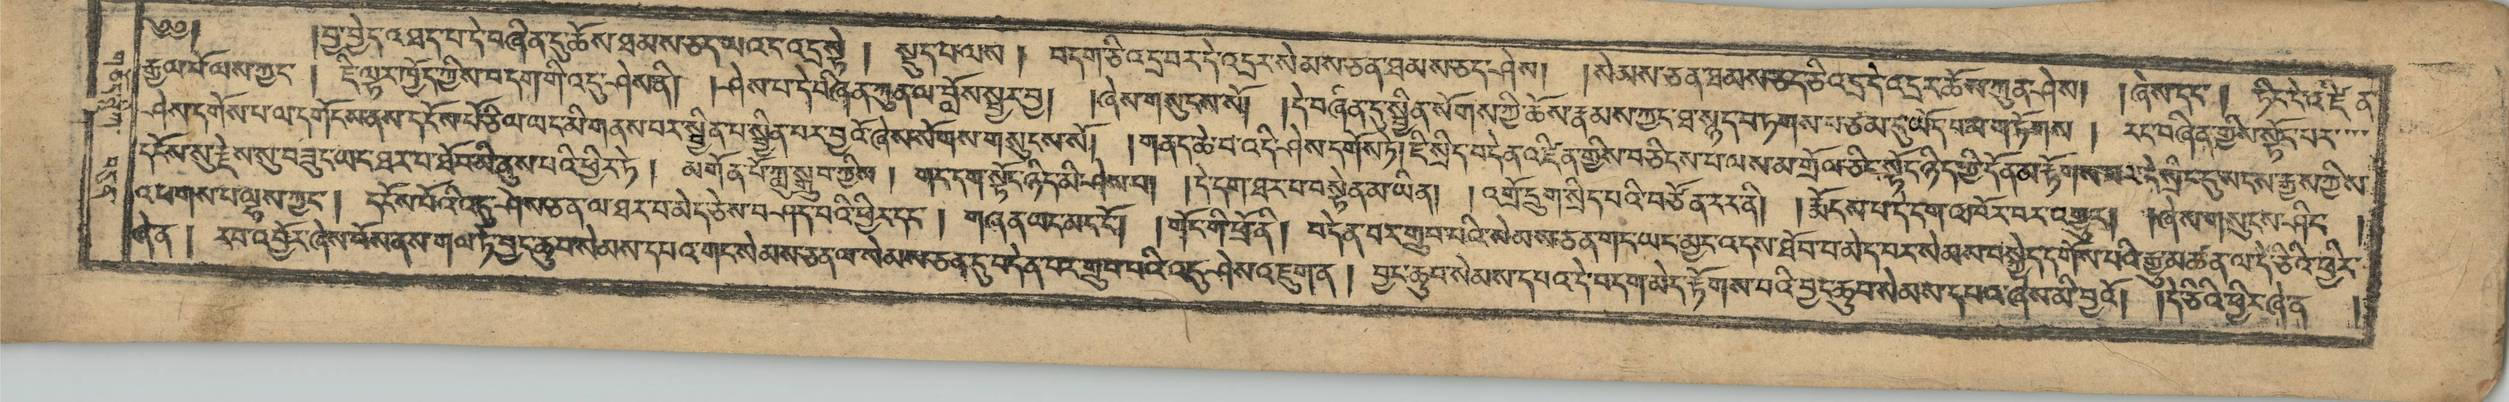༄༅། །བྱ་བྱེད་འཐད་པ་དེ་བཞིན་དུ་ཆོས་ཐམས་ཅད་ལའང་འདྲ་སྟེ། སྡུད་པ་ལས། བདག་ཅི་འདྲ་བར་དེ་འདྲར་སེམས་ཅན་ཐམས་ཅད་ཤེས། །སེམས་ཅན་ཐམས་ཅད་ཅི་འདྲ་དེ་འདྲར་ཆོས་ཀུན་ཤེས། །ཞེས་དང་། ཏིང་ངེ་འཛིན་
རྒྱལ་པོ་ལས་ཀྱང་། ཇི་ལྟར་ཁྱོད་ཀྱིས་བདག་གི་འདུ་ཤེས་ནི། །ཤེས་པ་དེ་བཞིན་ཀུན་ལ་བློས་སྦྱར་བྱ། །ཞེས་གསུངས་སོ། །དེ་བཞིན་དུ་སྦྱིན་སོགས་ཀྱི་ཆོས་རྣམས་ཀྱང་ཐ་སྙད་བཏགས་པ་ཙམ་དུ་ཡོད་པ་མ་གཏོགས། རང་བཞིན་གྱིས་སྟོང་པར་
ཤེས་དགོས་པ་ལ་དགོངས་ནས་དངོས་པོ་ཅི་ལ་ཡང་མི་གནས་པར་སྦྱིན་པ་སྦྱིན་པར་བྱའོ་ཞེས་སོགས་གསུངས་སོ། །གནད་ཆེ་བ་འདི་ཤེས་དགོས་ཏེ། ཇི་སྲིད་བདེན་འཛིན་གྱིས་བཅིངས་པ་ལས་མ་གྲོལ་ཅིང་སྟོང་ཉིད་ཀྱི་དོན་མ་རྟོགས་པར་དེ་སྲིད་དུ་སངས་རྒྱས་ཀྱིས་
དངོས་སུ་རྗེས་སུ་བཟུང་ཡང་ཐར་པ་ཐོབ་མི་ནུས་པའི་ཕྱིར་ཏེ། མགོན་པོ་ཀླུ་སྒྲུབ་ཀྱིས། གང་དག་སྟོང་ཉིད་མི་ཤེས་པ། །དེ་དག་ཐར་པ་བསྟེན་མ་ཡིན། །འགྲོ་དྲུག་སྲིད་པའི་བཙོན་རར་ནི། །རྨོངས་པ་དེ་དག་འཁོར་བར་འགྱུར། །ཞེས་གསུངས་ཤིང་།
འཕགས་པ་ལྷས་ཀྱང་། དངོས་པོའི་འདུ་ཤེས་ཅན་ལ་ཐར་པ་མེད་ཅེས་བཤད་པའི་ཕྱིར་དང་། གཞན་ཡང་མང་ངོ། །གོང་གི་ཕྲོ་ནི། བདེན་པར་གྲུབ་པའི་སེམས་ཅན་གང་ཡང་མྱང་འདས་ཐོག་པ་མེད་པར་སེམས་བསྐྱེད་དགོས་པའི་རྒྱུ་མཚན་ལ་དེ་ཅིའི་ཕྱིར་
ཞེ་ན། རབ་འབྱོར་ཞེས་བོས་ནས་གལ་ཏེ་བྱང་ཆུབ་སེམས་དཔའ་གང་སེམས་ཅན་ལ་སེམས་ཅན་དུ་བདེན་པར་གྲུབ་པའི་འདུ་ཤེས་འཇུག་ན། བྱང་ཆུབ་སེམས་དཔའ་དེ་བདག་མེད་རྟོགས་པའི་བྱང་ཆུབ་སེམས་དཔའ་ཞེས་མི་བྱའོ། །དེ་ཅིའི་ཕྱིར་ཞེ་ན།